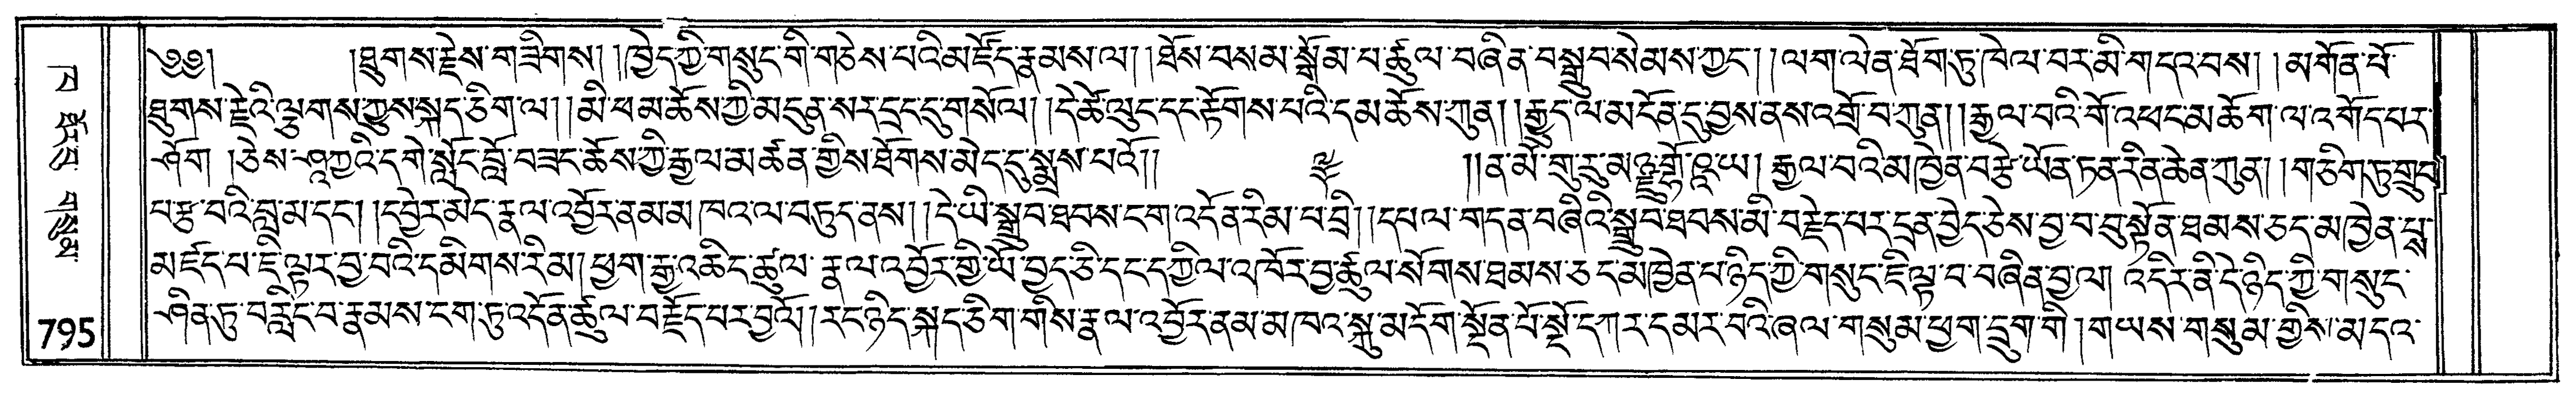༄༅། །ཐུགས་རྗེས་གཟིགས། །ཁྱེད་ཀྱི་གསུང་གི་གཅེས་པའི་མཛོད་རྣམས་ལ། །ཐོས་བསམ་སྒོམ་པ་ཚུལ་བཞིན་བསྒྲུབ་སེམས་ཀྱང་། །ལག་ལེན་ཐོག་ཏུ་ཁེལ་བར་མི་གདའ་བས། །མགོན་པོ་
ཐུགས་རྗེའི་ལྕགས་ཀྱུས་སྐད་ཅིག་ལ། །མི་ཕམ་ཆོས་ཀྱི་མདུན་སར་དྲང་དུ་གསོལ། །དེ་ཚེ་ལུང་དང་རྟོགས་པའི་དམ་ཆོས་ཀུན། །རྒྱུད་ལ་མངོན་དུ་བྱས་ནས་འགྲོ་བ་ཀུན། །རྒྱལ་བའི་གོ་འཕང་མཆོག་ལ་འགོད་པར་
ཤོག །ཅེས་ཤཱཀྱའི་དགེ་སློང་བློ་བཟང་ཆོས་ཀྱི་རྒྱལ་མཚན་གྱིས་ཐོགས་མེད་དུ་སྨྲས་པའོ།། ༈ །།ན་མོ་གུ་རུ་མཉྫུ་གྷོ་ཥཱ་ཡ། རྒྱལ་བའི་མཁྱེན་བརྩེ་ཡོན་ཏན་རིན་ཆེན་ཀུན། །གཅིག་ཏུ་གྲུབ་
པ་རྩ་བའི་བླ་མ་དང་། །དབྱེར་མེད་རྣལ་འབྱོར་ནམ་མཁའ་ལ་བཏུད་ནས། །དེ་ཡི་སྒྲུབ་ཐབས་ངག་འདོན་རིམ་པ་བྲི། །དཔལ་གདན་བཞིའི་སྒྲུབ་ཐབས་མི་བརྗེད་པར་དྲན་བྱེད་ཅེས་བྱ་བ་བུ་སྟོན་ཐམས་ཅད་མཁྱེན་པས་
མཛད་པ་ཇི་ལྟར་བྱ་བའི་དམིགས་རིམ། ཕྱག་རྒྱ་འཆིང་ཚུལ་རྣལ་འབྱོར་གྱི་ཡོ་བྱད་ཅི་དང་དཀྱིལ་འཁོར་བྱ་ཚུལ་སོགས་ཐམས་ཅད་མཁྱེན་པ་ཉིད་ཀྱི་གསུང་ཇི་ལྟ་བ་བཞིན་བྱ་ལ། འདིར་ནི་དེ་ཉིད་ཀྱི་གསུང་
ཤིན་ཏུ་བརླིང་བ་རྣམས་ངག་ཏུ་འདོན་ཚུལ་བརྗོད་པར་བྱའོ། །རང་ཉིད་སྐད་ཅིག་གིས་རྣལ་འབྱོར་ནམ་མཁའ་སྐུ་མདོག་སྔོན་པོ་སྔོ་དཀར་དམར་བའི་ཞལ་གསུམ་ཕྱག་དྲུག་གི །གཡས་གསུམ་གྱིས་མདའ་